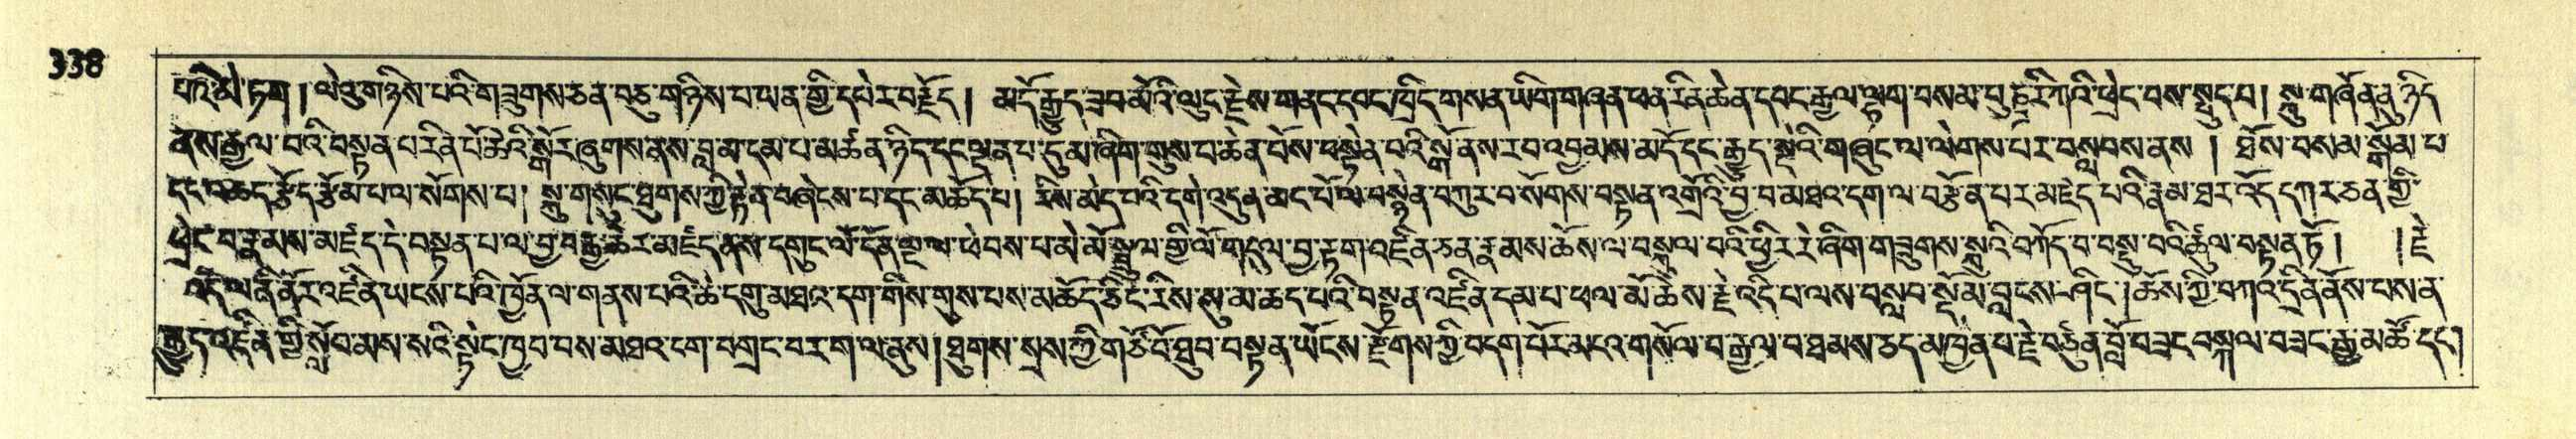པའི་མེ་ཏག །ལེའུ་གཉིས་པའི་གཟུགས་ཅན་བཅུ་གཉིས་པ་ཡན་གྱི་དཔེར་བརྗོད། མདོ་རྒྱུད་ཟབ་མོའི་ལུང་རྗེས་གནང་དབང་ཁྲིད་གསན་ཡིག་གཞན་ཕན་རིན་ཆེན་དབང་རྒྱལ་ལྷག་བསམ་པུཎྜ་རི་ཀའི་ཕྲེང་བས་སྤུད་པ། སྐུ་གཞོན་ནུ་ཉིད་
ནས་རྒྱལ་བའི་བསྟན་པ་རིན་པོ་ཆེའི་སྒོར་ཞུགས་ནས་བླ་མ་དམ་པ་མཚན་ཉིད་དང་ལྡན་པ་དུ་མ་ཞིག་གུས་པ་ཆེན་པོས་བསྟེན་པའི་སྒོ་ནས་རབ་འབྱམས་མདོ་དང་རྒྱུད་སྡེའི་གཞུང་ལ་ལེགས་པར་བསླབས་ནས། ཐོས་བསམ་སྒོམ་པ་
དང་འཆད་རྩོད་རྩོམ་པ་ལ་སོགས་པ། སྐུ་གསུང་ཐུགས་ཀྱི་རྟེན་བཞེངས་པ་དང་མཆོད་པ། རིས་མེད་པའི་དགེ་འདུན་མང་པོ་ལ་བསྙེན་བཀུར་བ་སོགས་བསྟན་འགྲོའི་བྱ་བ་མཐའ་དག་ལ་བརྩོན་པར་མཛད་པའི་རྣམ་ཐར་འོད་དཀར་ཅན་གྱི་
ཕྲེང་བ་རྣམས་མཛད་དེ་བསྟན་པ་ལ་བྱ་བ་རྒྱ་ཆེར་མཛད་ནས་དགུང་ལོ་དོན་ལྔ་ལ་ཕེབས་པ་མེ་མོ་སྤྲུལ་གྱི་ལོ་གདུལ་བྱ་རྟག་འཛིན་ཅན་རྣམས་ཆོས་ལ་བསྐུལ་བའི་ཕྱིར་རེ་ཞིག་གཟུགས་སྐུའི་བཀོད་བ་བསྡུ་བའི་ཚུལ་བསྟན་ཏོ། །རྗེ་
འདི་ལ་ནི་ནོར་འཛིན་ཡངས་པའི་ཁྱོན་ལ་གནས་པའི་ཆེ་དགུ་མཐའ་དག་གིས་གུས་པས་མཆོད་ཅིང་རིས་སུ་མ་ཆད་པའི་བསྟན་འཛིན་དམ་པ་ཕལ་མོ་ཆེས་རྗེ་འདི་པ་ལས་བསླབ་སྡོམ་བླངས་ཤིང་། ཆོས་ཀྱི་བཀའ་དྲིན་ནོས་པས་ན་
རྒྱུད་འཛིན་གྱི་སློབ་མས་སའི་སྟེང་ཁྱབ་པས་མཐའ་དག་བགྲང་བར་ག་ལ་ནུས། ཐུགས་སྲས་ཀྱི་གཙོ་བོ་ཐུབ་བསྟན་ཡོངས་རྫོགས་ཀྱི་བདག་པོར་མངའ་གསོལ་བ་རྒྱལ་བ་ཐམས་ཅད་མཁྱེན་པ་རྗེ་བཙུན་བློ་བཟང་བསྐལ་བཟང་རྒྱ་མཚོ་དང་།